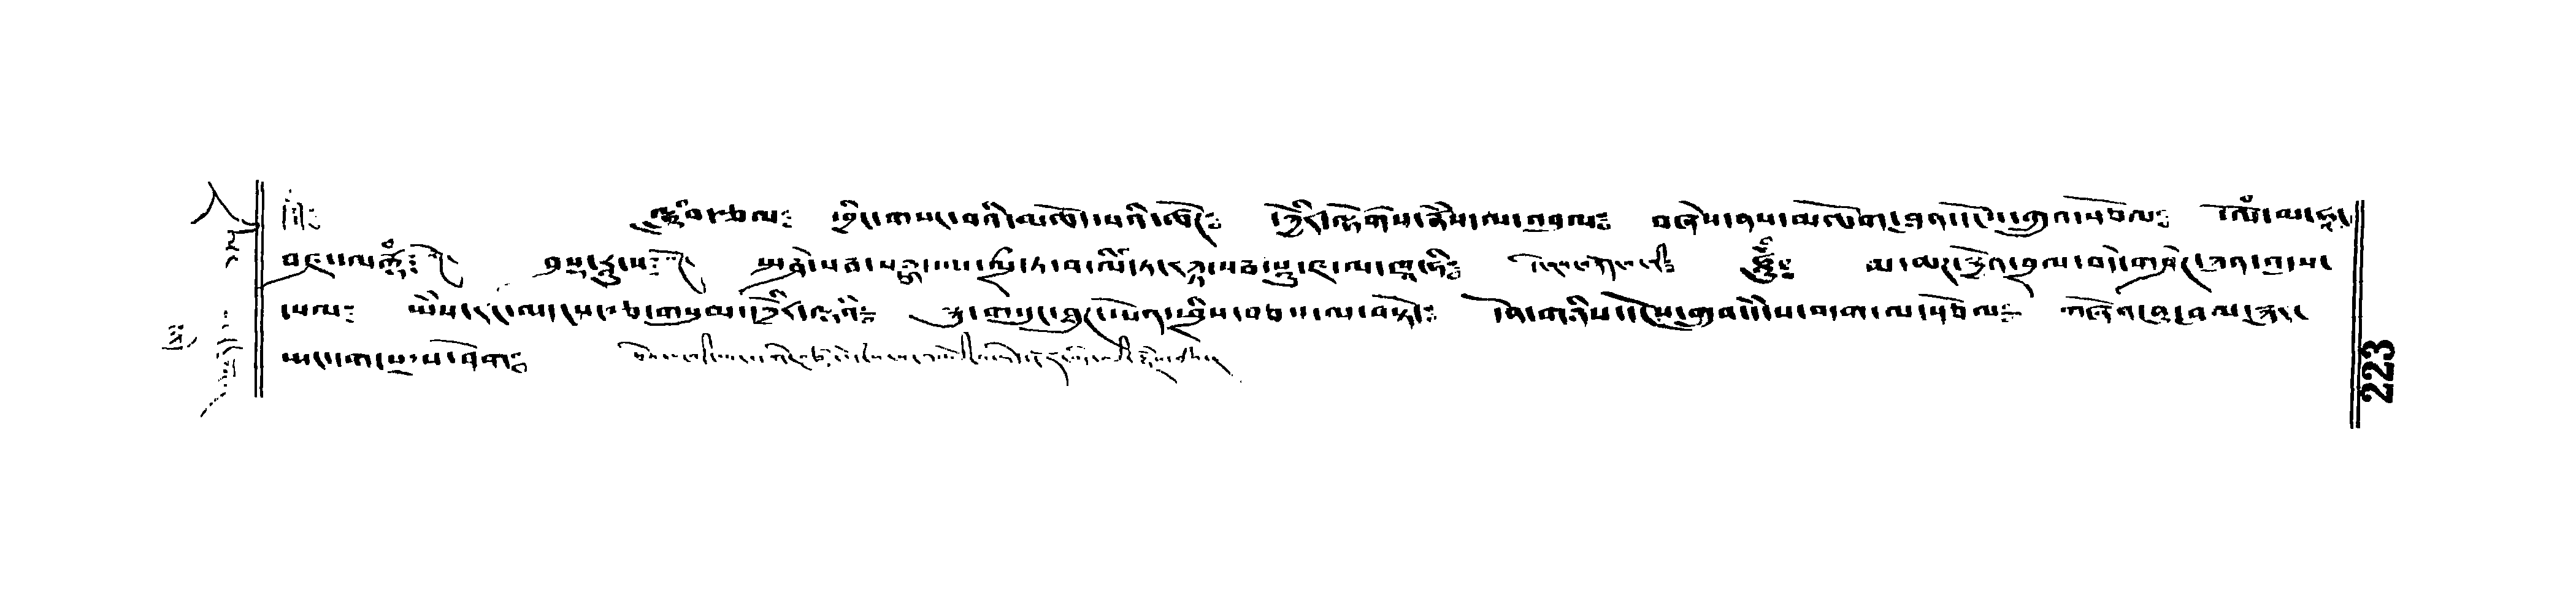ལྷུན་གྲུབ་རྩལ༔ ཕྱི་ནང་གསང་བའི་མཆོད་པའི་ཚོགས༔ དཀྱིལ་འཁོར་ལྷ་ཚོགས་རྣམས་ལ་འབུལ༔ བཞེས་ནས་མཆོག་ཐུན་དངོས་གྲུབ་སྩོལ༔ ཨོཾ་མ་ཧཱ་
བཛྲ་ཨརྒྷཾ༴ སོགས༔ ཤཔྡ་རཱུ་པ༴ སོགས༔ སྤརྴེ་སརྦ་པཉྩ་ཨ་མྲྀ་ཏ་བ་ལིཾ་ཏ་རཀྟ་སརྦ་པཱུ་ཛ་ལ་ཁཱ་ཧིཿ དེ་ནས་བསྟོད་པ་ནི༔ ཧཱུྃ༔ མ་ཆགས་སྐྱོན་བྲལ་བདེ་གཤེགས་ཀུན་འདུས་
དཔལ༔ ཡེ་ཤེས་རང་མདངས་རྩ་གསུམ་དཀྱིལ་འཁོར་ལྷའི༔ སྐུ་གསུང་ཐུགས་ཡོན་ཕྲིན་ལས་བཅས་ལ་བསྟོད༔ དོན་གཉིས་དངོས་གྲུབ་དམ་པ་བདག་ལ་སྩོལ༔ གཞོན་བུ་བུམ་སྐུར་
ཡང་དག་སངས་རྒྱས་ཤོག༔ ཅེས་པ་འདི་ཡང་དགེ་བཙུན་དམ་པ་སངས་ཆོའི་བཞེད་ངོར་བདེ་པའི་རྡོ་རྗེས་བྲིས།།